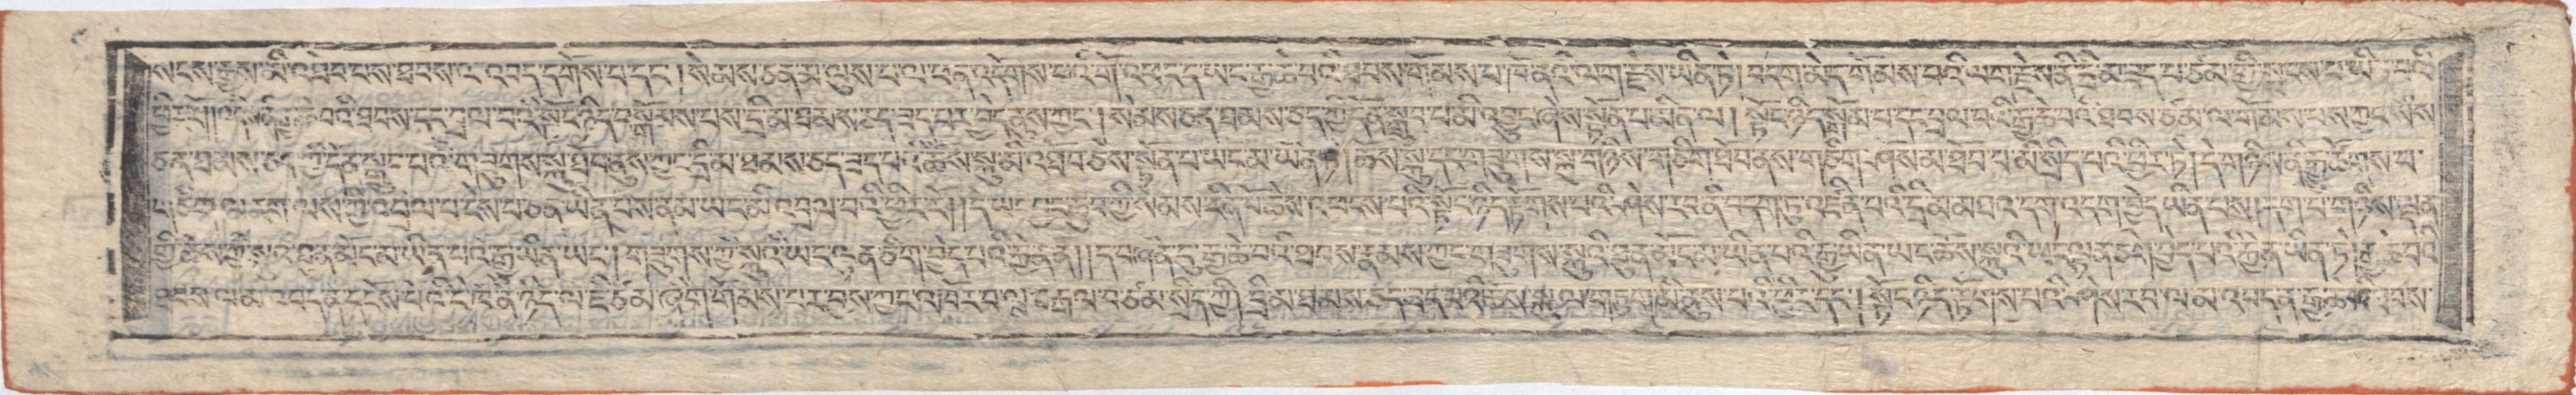སངས་རྒྱས་མི་འཐོབ་པས་ཐབས་ལ་འབད་དགོས་པ་དང་། སེམས་ཅན་མ་ལུས་པ་ལ་ཕན་འདོགས་པའི་གོ་འཕང་དེ་ཡང་རྒྱ་ཆེ་བའི་ཐབས་གོམས་པ་ཁོ་ནའི་ལག་རྗེས་ཡིན་ཏེ། བདག་མེད་གོམས་པའི་ལག་རྗེས་ནི་དྲི་མ་ཟད་པ་ཙམ་གྱི་སྤངས་པ་ཡིན་པའི་
ཕྱིར་རོ། །འདིས་ནི་རྒྱ་ཆེ་བའི་ཐབས་དང་བྲལ་བའི་སྟོང་ཉིད་བསྒོམས་པས་དྲི་མ་ཐམས་ཅད་ཟད་པར་བྱེད་ནུས་ཀྱང་། སེམས་ཅན་ཐམས་ཅད་ཀྱི་དོན་སྒྲུབ་པ་མི་འབྱུང་ཞེས་སྟོན་པ་མིན་ལ། སྟོང་ཉིད་སྒོམ་པ་དང་བྲལ་བའི་རྒྱ་ཆེ་བའི་ཐབས་ཙམ་ལ་གོམས་པས་ཀྱང་སེམས་
ཅན་ཐམས་ཅད་ཀྱི་དོན་སྒྲུབ་པའི་གཟུགས་སྐུ་ཐོབ་ནུས་ཀྱང་དྲི་མ་ཐམས་ཅད་ཟད་པའི་ཆོས་སྐུ་མི་འཐོབ་ཅེས་སྟོན་པ་ཡང་མ་ཡིན་ཏེ། ཆོས་སྐུ་དང་གཟུགས་སྐུ་གཉིས་གཅིག་ཐོབ་ནས་གཅིག་ཤོས་མ་ཐོབ་པ་མི་སྲིད་པའི་ཕྱིར་ཏེ། དེ་གཉིས་ནི་རྒྱུ་ཚོགས་པ་
གཅིག་ལ་རག་ལས་ཀྱི་འབྲེལ་པ་ངེས་པ་ཅན་ཡིན་པས་ནམ་ཡང་མི་འབྲལ་བའི་ཕྱིར་རོ། །དེ་ཡང་བྱང་ཆུབ་ཀྱི་སེམས་རིན་པོ་ཆེས་འཕངས་པའི་སྟོང་ཉིད་རྟོགས་པའི་ཤེས་རབ་ནི་བདག་ཏུ་འཛིན་པའི་དྲི་མ་མཐའ་དག་འདག་བྱེད་ཡིན་པས། དག་པ་གཉིས་ལྡན་
གྱི་ཆོས་ཀྱི་སྐུའི་ཐུན་མོང་མ་ཡིན་པའི་རྒྱུ་ཡིན་ཡང་། གཟུགས་ཀྱི་སྐུའི་ཡང་ལྷན་ཅིག་བྱེད་པའི་རྐྱེན་ནོ། །དེ་བཞིན་དུ་རྒྱ་ཆེ་བའི་ཐབས་རྣམས་ཀྱང་གཟུགས་སྐུའི་ཐུན་མོང་མ་ཡིན་པའི་རྒྱུ་ཡིན་ཡང་ཆོས་སྐུའི་ཡང་ལྷན་ཅིག་བྱེད་པའི་རྐྱེན་ཡིན་ཏེ། རྒྱ་ཆེ་བའི་
ཐབས་ལ་མ་འབད་ན་དངོས་པོའི་དེ་ཁོ་ན་ཉིད་ལ་ཇི་ཙམ་ཞིག་གོམས་པར་བྱས་ཀྱང་འཁོར་བ་ལས་བརྒལ་བ་ཙམ་སྲིད་ཀྱི། དྲི་མ་ཐམས་ཅད་ཟད་པའི་ཆོས་སྐུ་ལ་གཏུག་མི་ནུས་པའི་ཕྱིར་དང་། སྟོང་ཉིད་རྟོགས་པའི་ཤེས་རབ་ལ་མ་འབད་ན་རྒྱ་ཆེ་བའི་ཐབས་